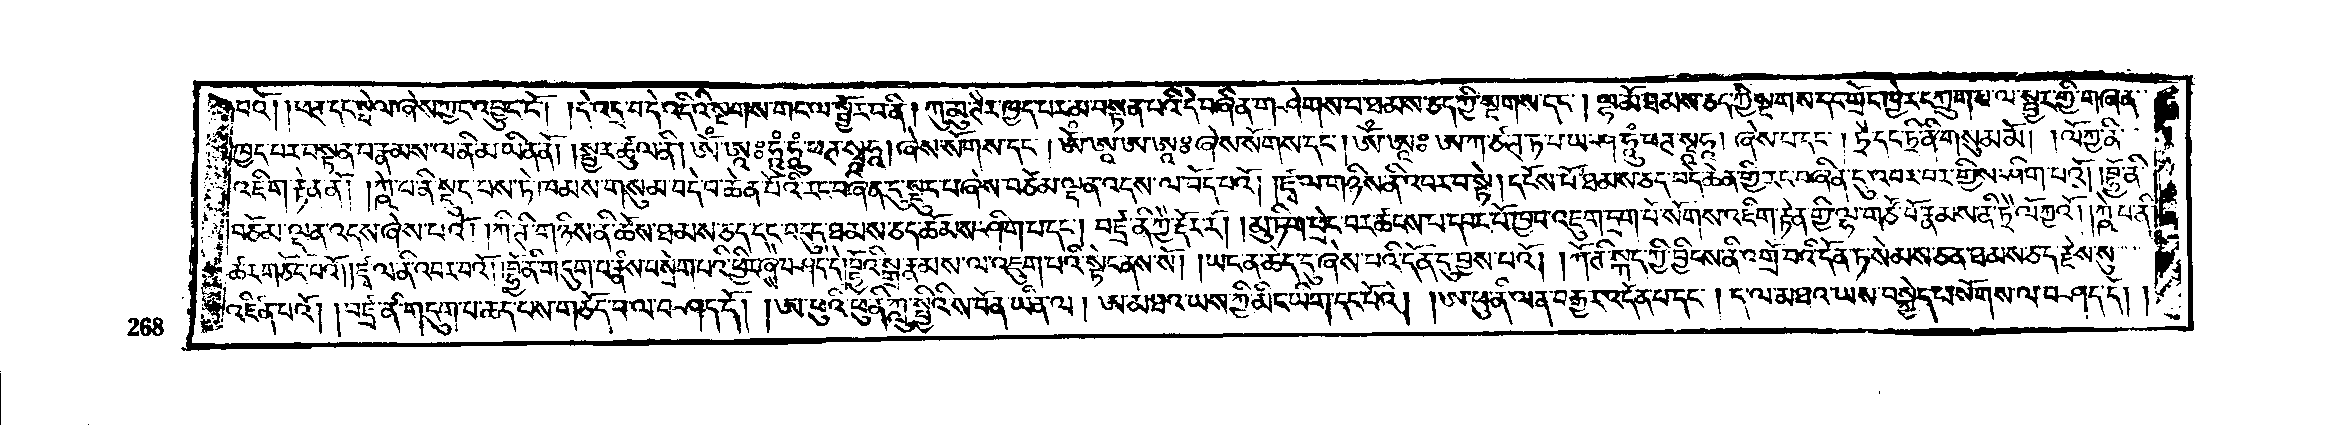པའོ། །ཕཊ་དང་སྤེལ་ཞེས་ཀྱང་འབྱུང་ངོ། །དེ་འདྲ་བ་དེ་འདིའི་སྔགས་གང་ལ་སྦྱོར་བ་ནི། ཀུ་མུ་ཊཻར་ཁྱད་པར་མ་བསྟན་པའི་དེ་བཞིན་གཤེགས་པ་ཐམས་ཅད་ཀྱི་སྔགས་དང་། ལྷ་མོ་ཐམས་ཅད་ཀྱི་སྔགས་དང་གྲོང་ཁྱེར་དཀྲུག་པ་ལ་སྦྱར་གྱི་གཞན་
ཁྱད་པར་བསྟན་པ་རྣམས་ལ་ནི་མ་ཡིན་ནོ། །སྦྱར་ཚུལ་ནི། ཨོཾ་ཨཱཿ ཧཱུཾ་ཧཱུཾ་ཕཊ་སྭཱཧཱ། ཞེས་སོགས་དང་། ཨོཾ་ཨཱ་ཨ་ཨཱཿ ཞེས་སོགས་དང་། ཨོཾ་ཨཱཿ ཨ་ཀ་ཙ་ཊ་ཏ་པ་ཡ་ཤ་ཧཱུཾ་ཕཊ་སྭཱཧཱ། ཞེས་པ་དང་། ཊྲཻ་དང་ཊྲི་ནི་གསུམ་མོ། །ལོཀྱ་ནི་
འཇིག་རྟེན་ནོ། །ཀྵེ་པ་ནི་སྡུད་པས་ཏེ་ཁམས་གསུམ་བདེ་བ་ཆེན་པོའི་རང་བཞིན་དུ་སྡུད་པ་ཞེས་བཅོམ་ལྡན་འདས་ལ་བོད་པའོ། །ཛྭ་ལ་གཉིས་ནི་འབར་བ་སྟེ། དངོས་པོ་ཐམས་ཅད་བདེ་ཆེན་གྱི་རང་བཞིན་དུ་འབར་བར་གྱིས་ཤིག་པའོ། །བྷྱོ་ནི་
བཅོམ་ལྡན་འདས་ཞེས་པའོ། །ཀི་ཊི་གཉིས་ནི་ཆོས་ཐམས་ཅད་དང་བདུད་ཐམས་ཅད་ཆོམས་ཤིག་པ་དང་། བཛྲ་ནི་ཀྱཻ་རྡོར་རོ། །མུ་ཏིག་ཕྲེང་བར་ཚངས་པ་དབང་པོ་ཁྱབ་འཇུག་དྲག་པོ་སོགས་འཇིག་རྟེན་གྱི་ལྷ་གཙོ་བོ་རྣམས་ནི་ཏྲཻ་ལོ་ཀྱའོ། །ཀྵེ་པ་ནི་
ཚར་གཅོད་པའོ། །ཛྭ་ལ་ནི་འབར་བའོ། །བྷྱོ་ནི་གདུག་པ་རྣམས་པ་སྲེག་པའི་ཕྱིར་ཞེས་བཤད་དེ། བྷྱོའི་སྒྲ་རྣམས་ལ་འཇུག་པའི་སྟེང་ནས་སོ། །ཡང་ན་ཆེད་དུ་ཞེས་པའི་དོན་དུ་བྱས་པའོ། །ཀོ་ཊི་སྐད་ཀྱི་བྱིངས་ནི་འགྲོ་བའི་དོན་ཏེ་སེམས་ཅན་ཐམས་ཅད་རྗེས་སུ་
འཛིན་པའོ། །བཛྲ་ནི་གདུག་པ་ཆད་པས་གཅོད་པ་ལ་བཤད་དོ། །ཨ་ཕུའི་ཕུ་ནི་ཀླུ་སྤྱིའི་ས་བོན་ཡིན་ལ། ཨ་མཐའ་ཡས་ཀྱི་མིང་ཡིག་དང་པོའོ། །ཨ་ཕུ་ནི་ལན་བརྒྱར་འདོན་པ་དང་། དེ་ལ་མཐའ་ཡས་བསྐྱེད་པ་སོགས་ལ་བཤད་དོ། །